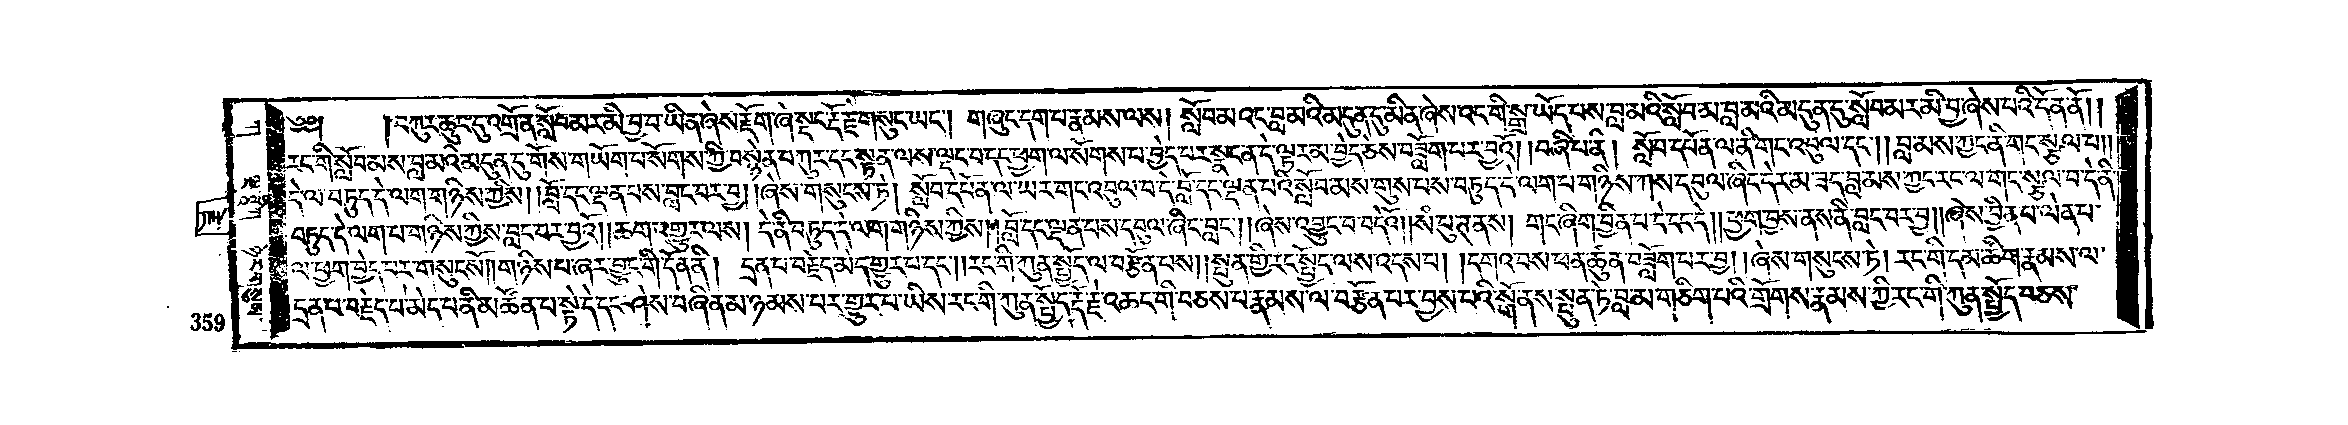༄༅། །བཀུར་ཆུང་དུ་འགྲོ་ན་སློབ་མར་མི་བྱ་བ་ཡིན་ཞེས་རྗོག་ཞེ་སྡང་རྡོ་རྗེ་གསུང་ཡང་། གཞུང་དག་པ་རྣམས་ལས། སློབ་མའང་བླ་མའི་མདུན་དུ་མིན་ཞེས་འང་གི་སྒྲ་ཡོད་པས་བླ་མའི་སློབ་མ་བླ་མའི་མདུན་དུ་སློབ་མར་མི་བྱ་ཞེས་པའི་དོན་ནོ། །
རང་གི་སློབ་མས་བླ་མའི་མདུན་དུ་གོས་གཡོག་པ་སོགས་ཀྱི་བསྙེན་བཀུར་དང་སྟན་ལས་ལྡང་བ་དང་ཕྱག་ལ་སོགས་པ་བྱེད་པར་སྣང་ན་དེ་ལྟར་མ་བྱེད་ཅེས་བཟློག་པར་བྱའོ། །བཞི་པ་ནི། སློབ་དཔོན་ལ་ནི་གང་འབུལ་དང་། །བླ་མས་ཀྱང་ནི་གང་སྩལ་པ།།
དེ་ལ་བཏུད་དེ་ལག་གཉིས་ཀྱིས། །བློ་དང་ལྡན་པས་བླང་བར་བྱ། །ཞེས་གསུངས་ཏེ། སློབ་དཔོན་ལ་ཡར་གང་འབུལ་བ་དེ་བློ་དང་ལྡན་པའི་སློབ་མས་གུས་པས་བཏུད་དེ་ལག་པ་གཉིས་ཀས་དབུལ་ཞིང་དེར་མ་ཟད་བླ་མས་ཀྱང་རང་ལ་གང་སྩལ་བ་དེ་ནི་
བཏུད་དེ་ལག་པ་གཉིས་ཀྱིས་བླང་བར་བྱའོ། །ཆག་འགྱུར་ལས། དེ་ནི་བཏུད་དེ་ལག་གཉིས་ཀྱིས། །བློ་དང་ལྡན་པས་དབུལ་ཞིང་བླང་། །ཞེས་འབྱུང་བ་བདེའོ། །སཾ་པུ་ཊ་ནས། གང་ཞིག་བྱིན་པ་དེ་དང་དེ། །ཕྱག་བྱས་ནས་ནི་བླང་བར་བྱ། །ཞེས་བྱིན་པ་ལེན་པ་
ལ་ཕྱག་བྱེད་པར་གསུངས་སོ། །གཉིས་པ་ཞར་བྱུང་གི་དོན་ནི། དྲན་པ་བརྗེད་མེད་གྱུར་པ་དང་། །རང་གི་ཀུན་སྤྱོད་ལ་བརྩོན་པས། །སྤུན་གྱི་རང་སྤྱོད་ལས་འདས་པ། །དགའ་བས་ཕན་ཚུན་བཟློག་པར་བྱ། །ཞེས་གསུངས་ཏེ། རང་གི་དམ་ཚིག་རྣམས་ལ་
དྲན་པ་བརྗེད་པ་མེད་པ་ནི་མཚོན་པ་སྟེ་དེ་དང་ཤེས་བཞིན་མ་ཉམས་པར་གྱུར་པ་ཡིས་རང་གི་ཀུན་སྤྱོད་རྡོ་རྗེ་འཆང་གི་བཅས་པ་རྣམས་ལ་བརྩོན་པར་བྱས་པའི་སྒོ་ནས་སྤུན་ཏེ་བླ་མ་གཅིག་པའི་གྲོགས་རྣམས་ཀྱི་རང་གི་ཀུན་སྤྱོད་བཅས་